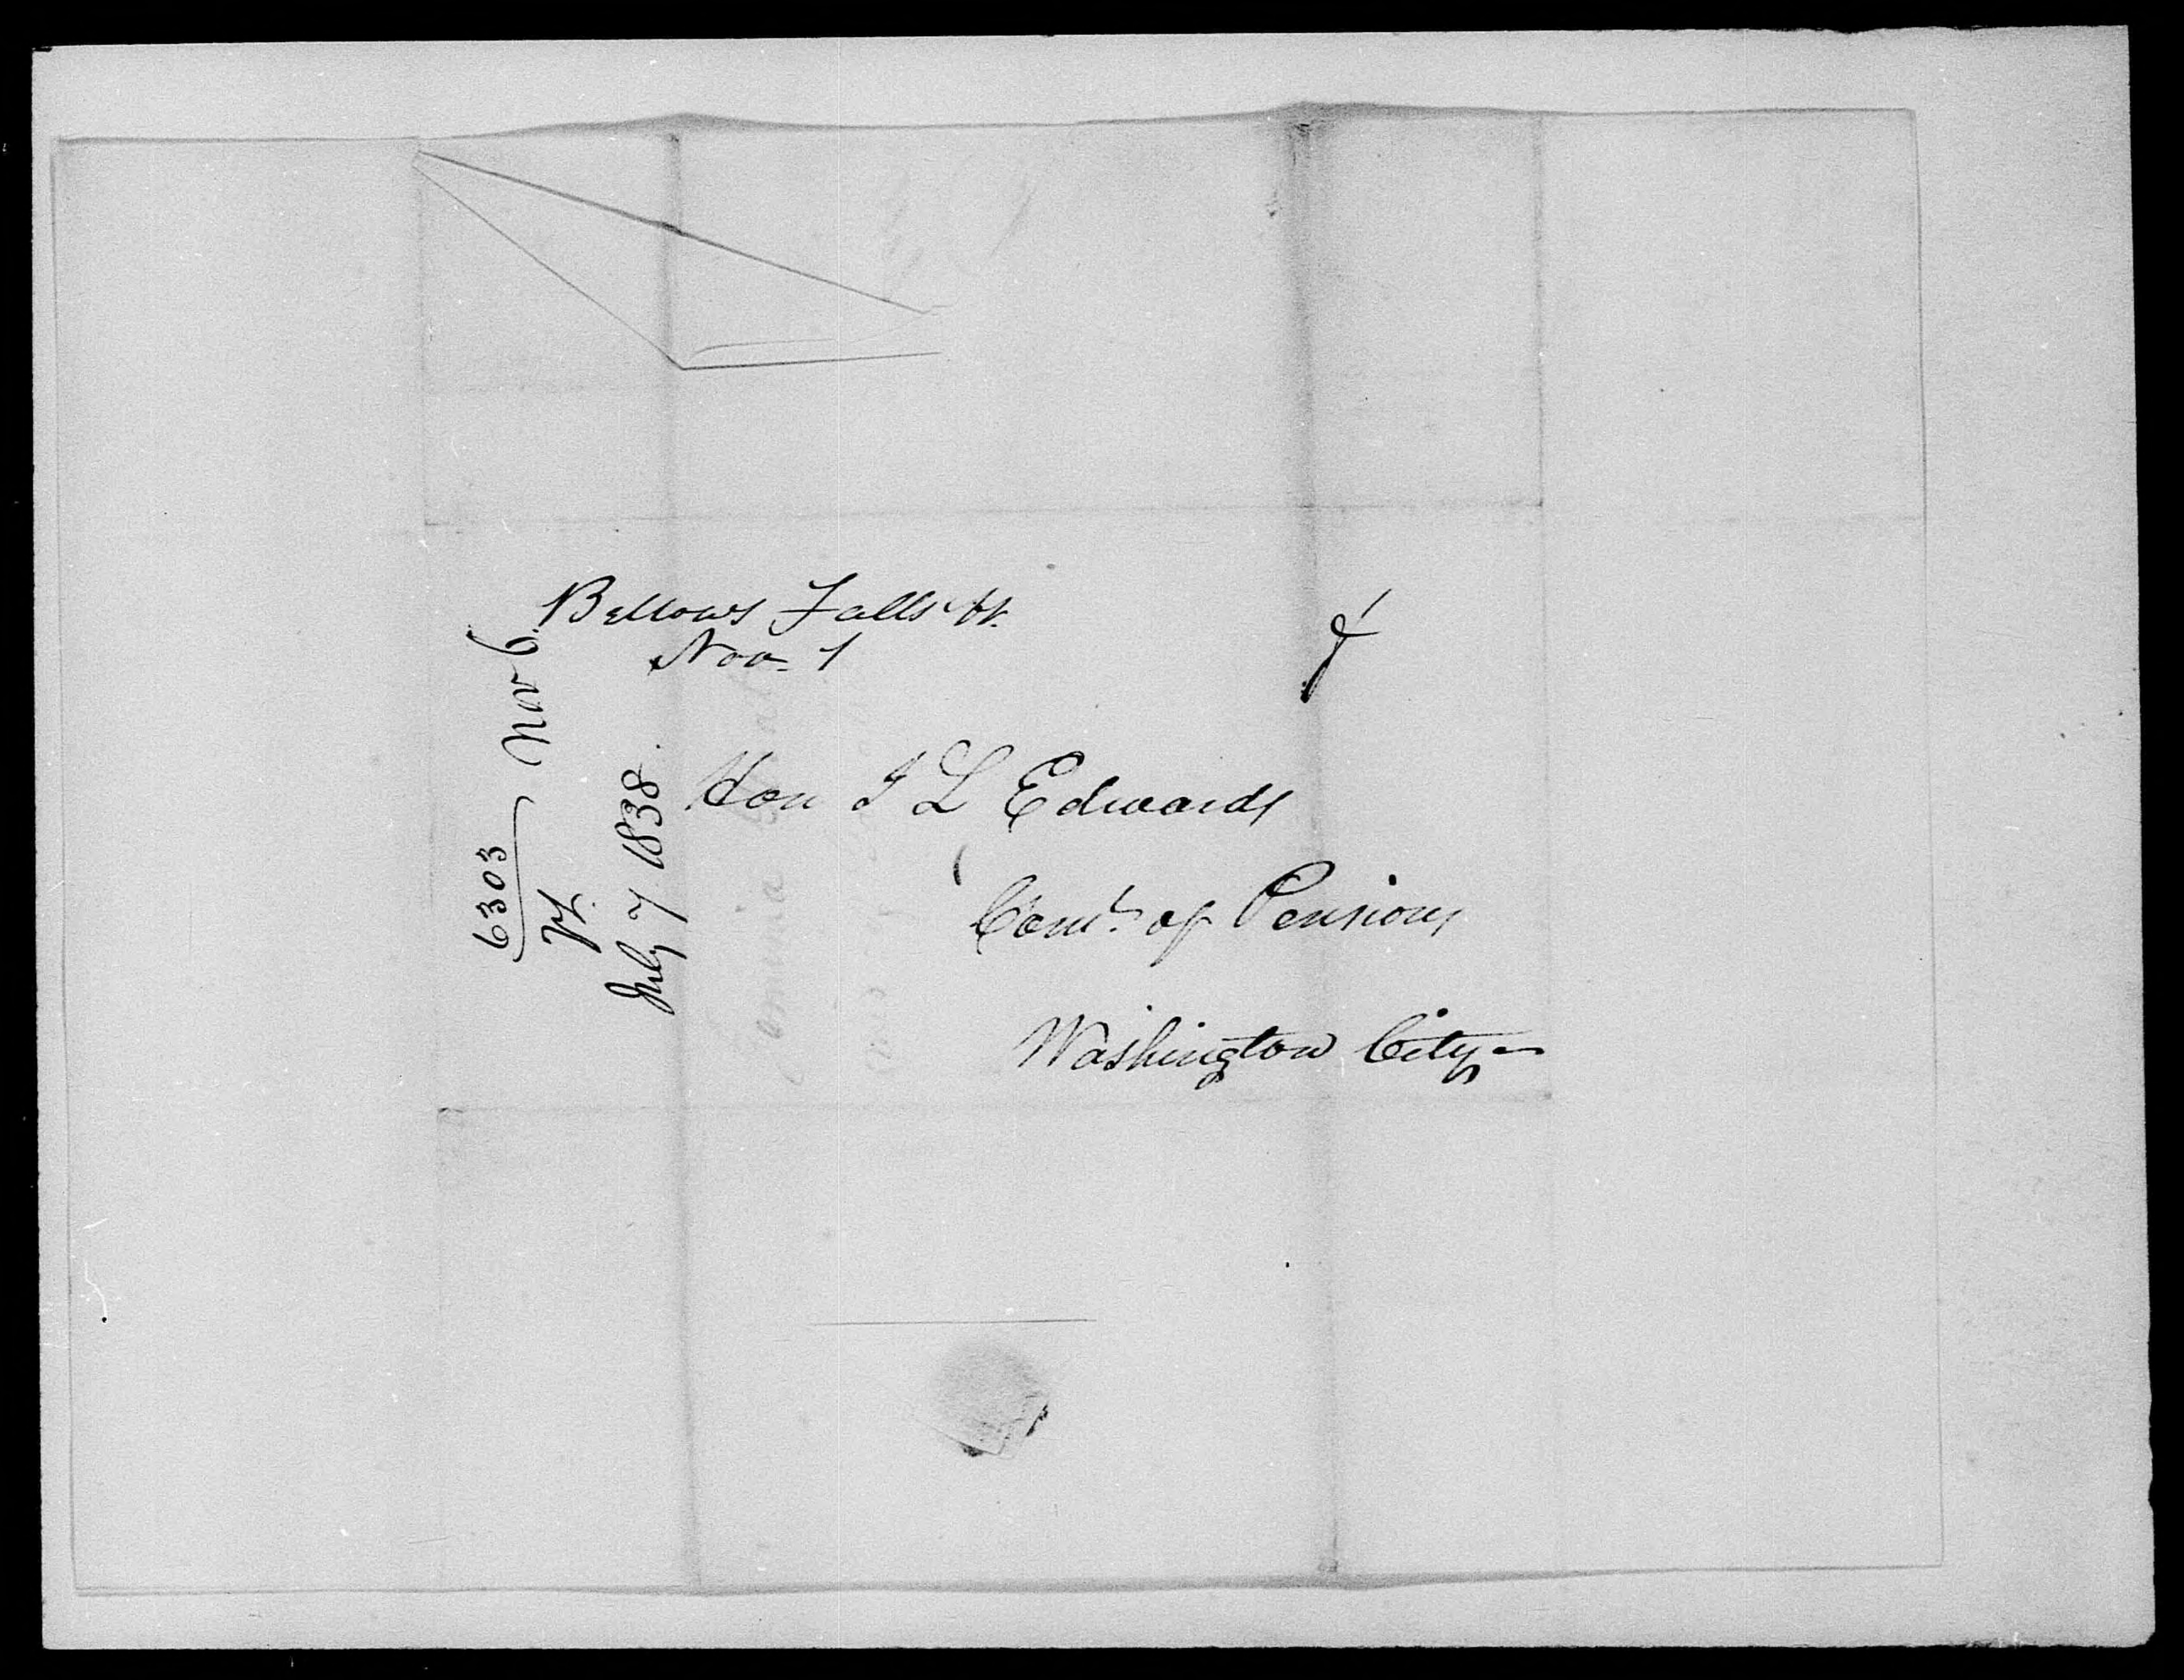Bellows Falls ss.
Nov. 1

Hon. J. L. Edwards
Comr. of Pensions
Washington City

Nov 6

6303
Vt.
July 7 1838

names: J L Edwards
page: 20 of 26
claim: widow's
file: W. 25619, Gamaliel Gerald, Mass.